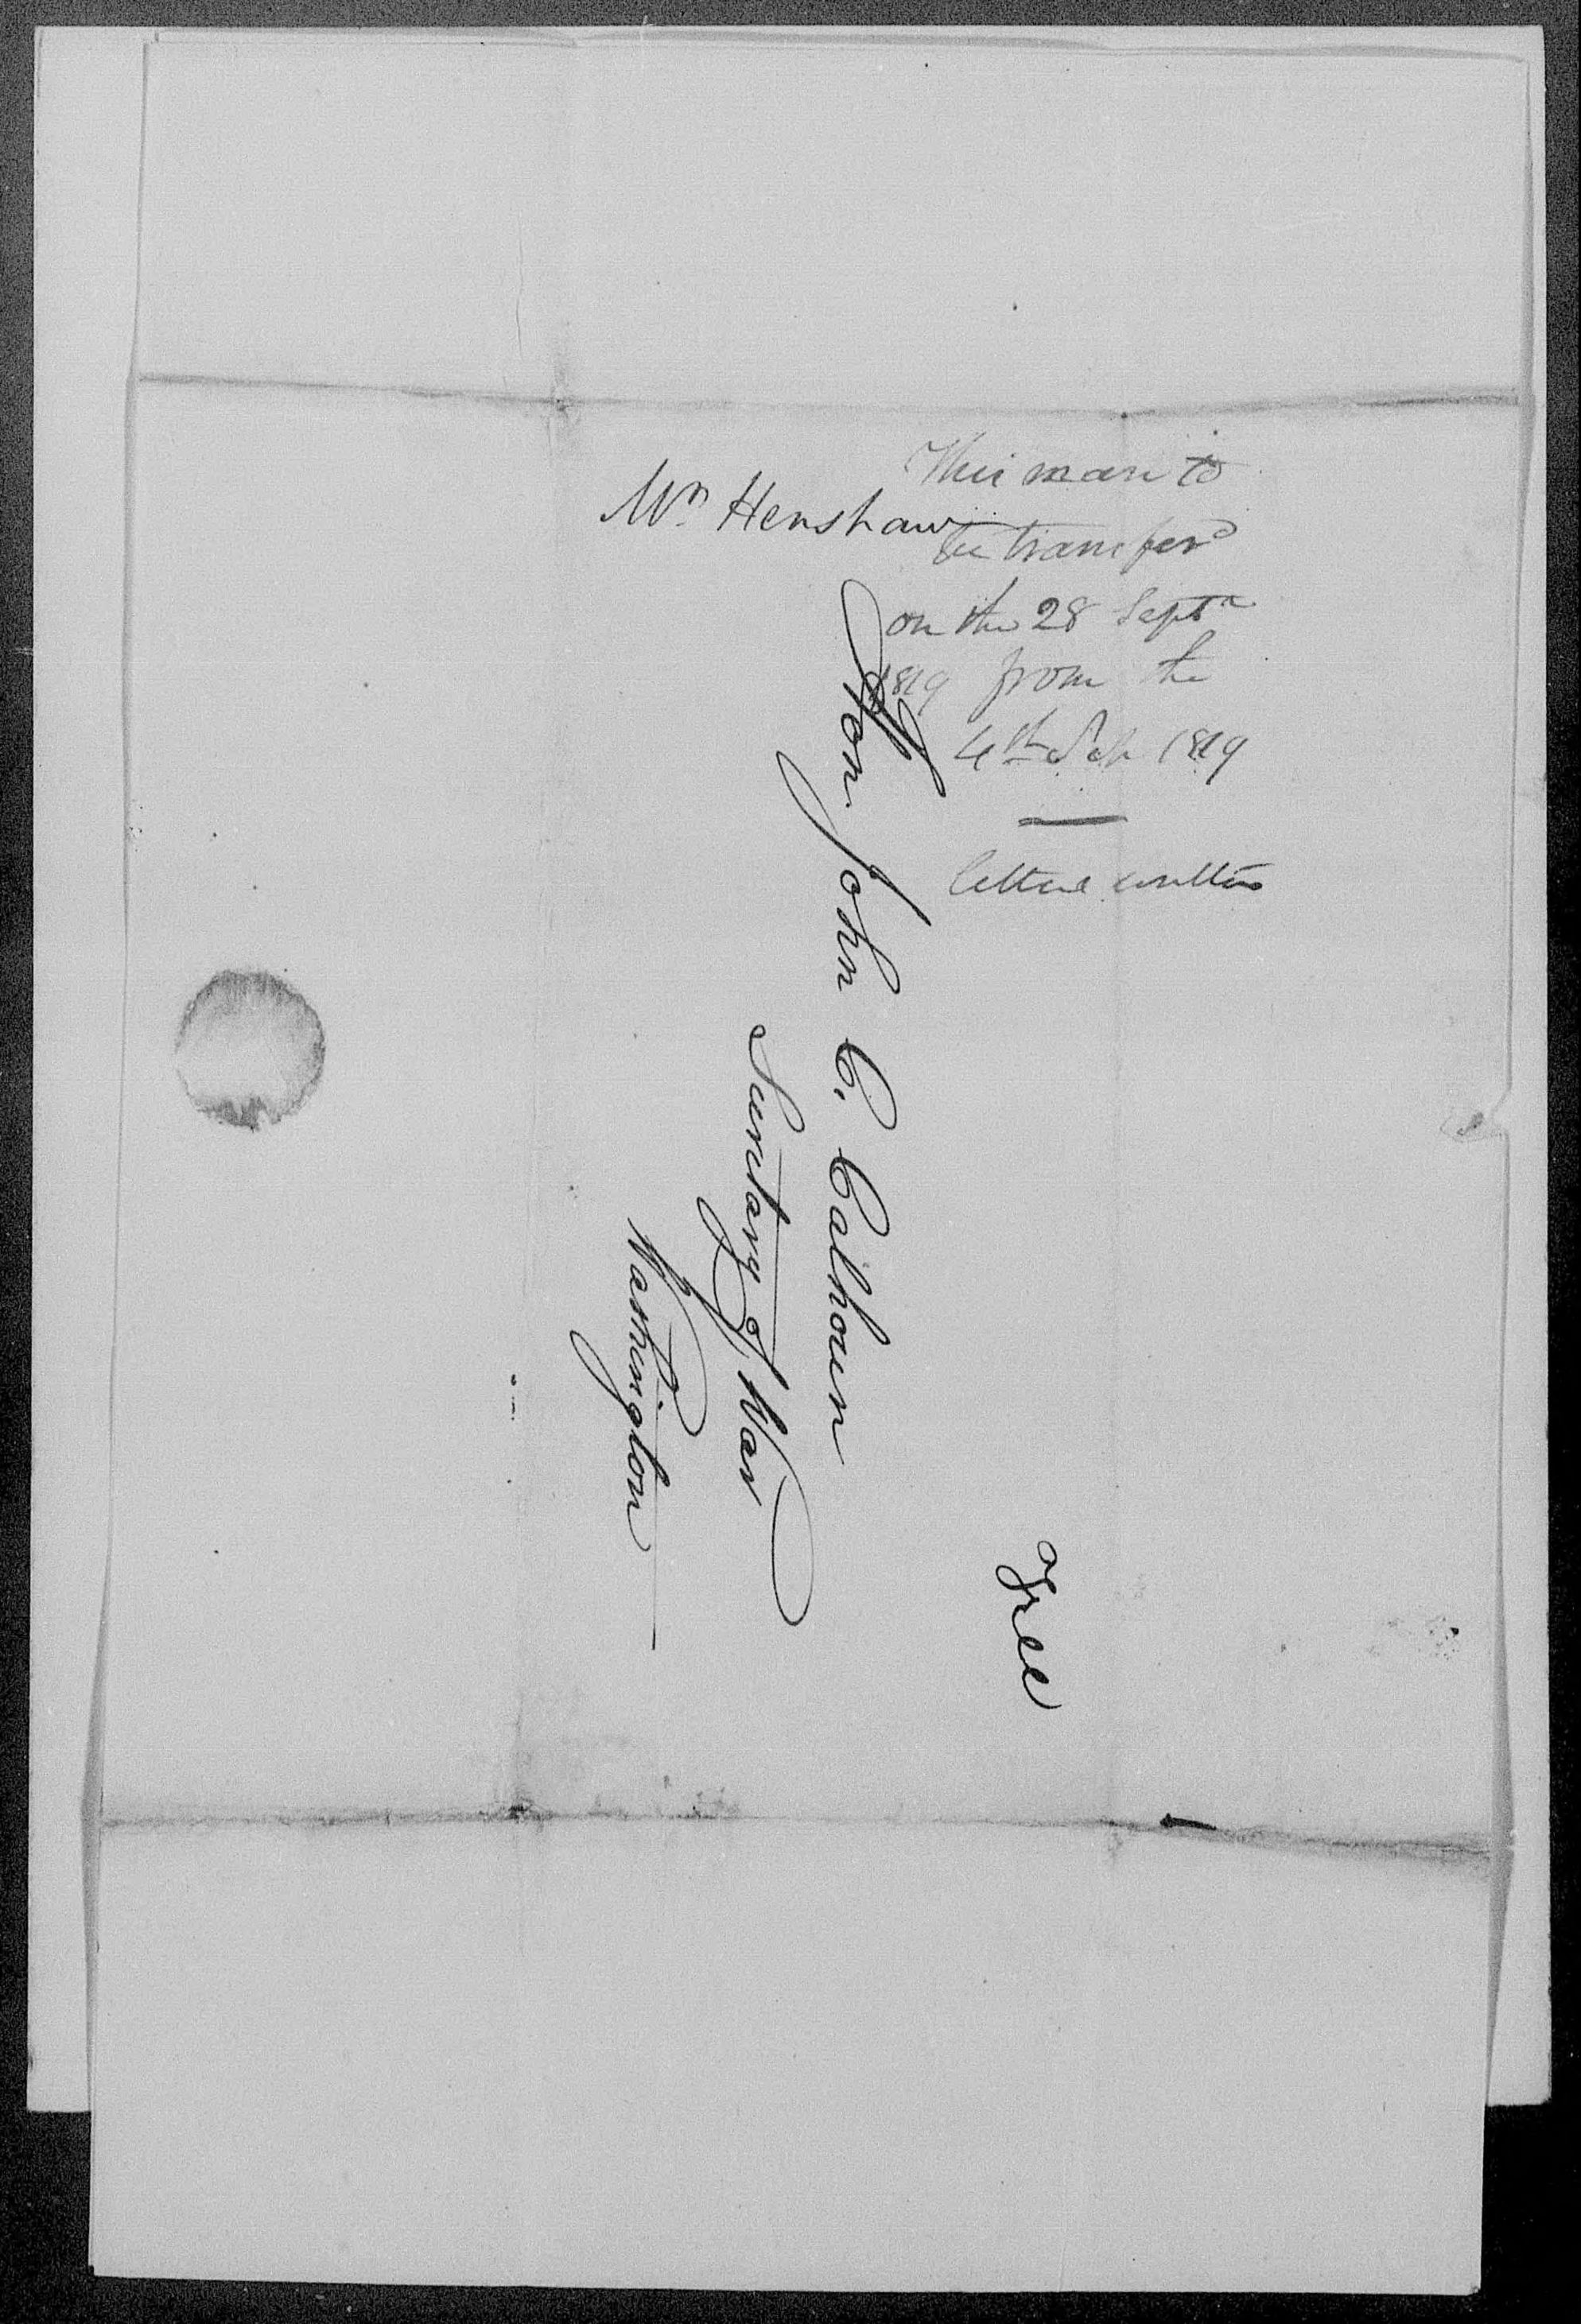Mr Henshaw 
This man to be transferred on the 28 Sept 1819 from the 4th Sep 1819 
Letters written
John C. Calhoun  
Secretary of War
Washington 
Free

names: Henshaw, John Calhoun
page: 44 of 51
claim: widow's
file: W. 1698, Oliver Barker, Conn.